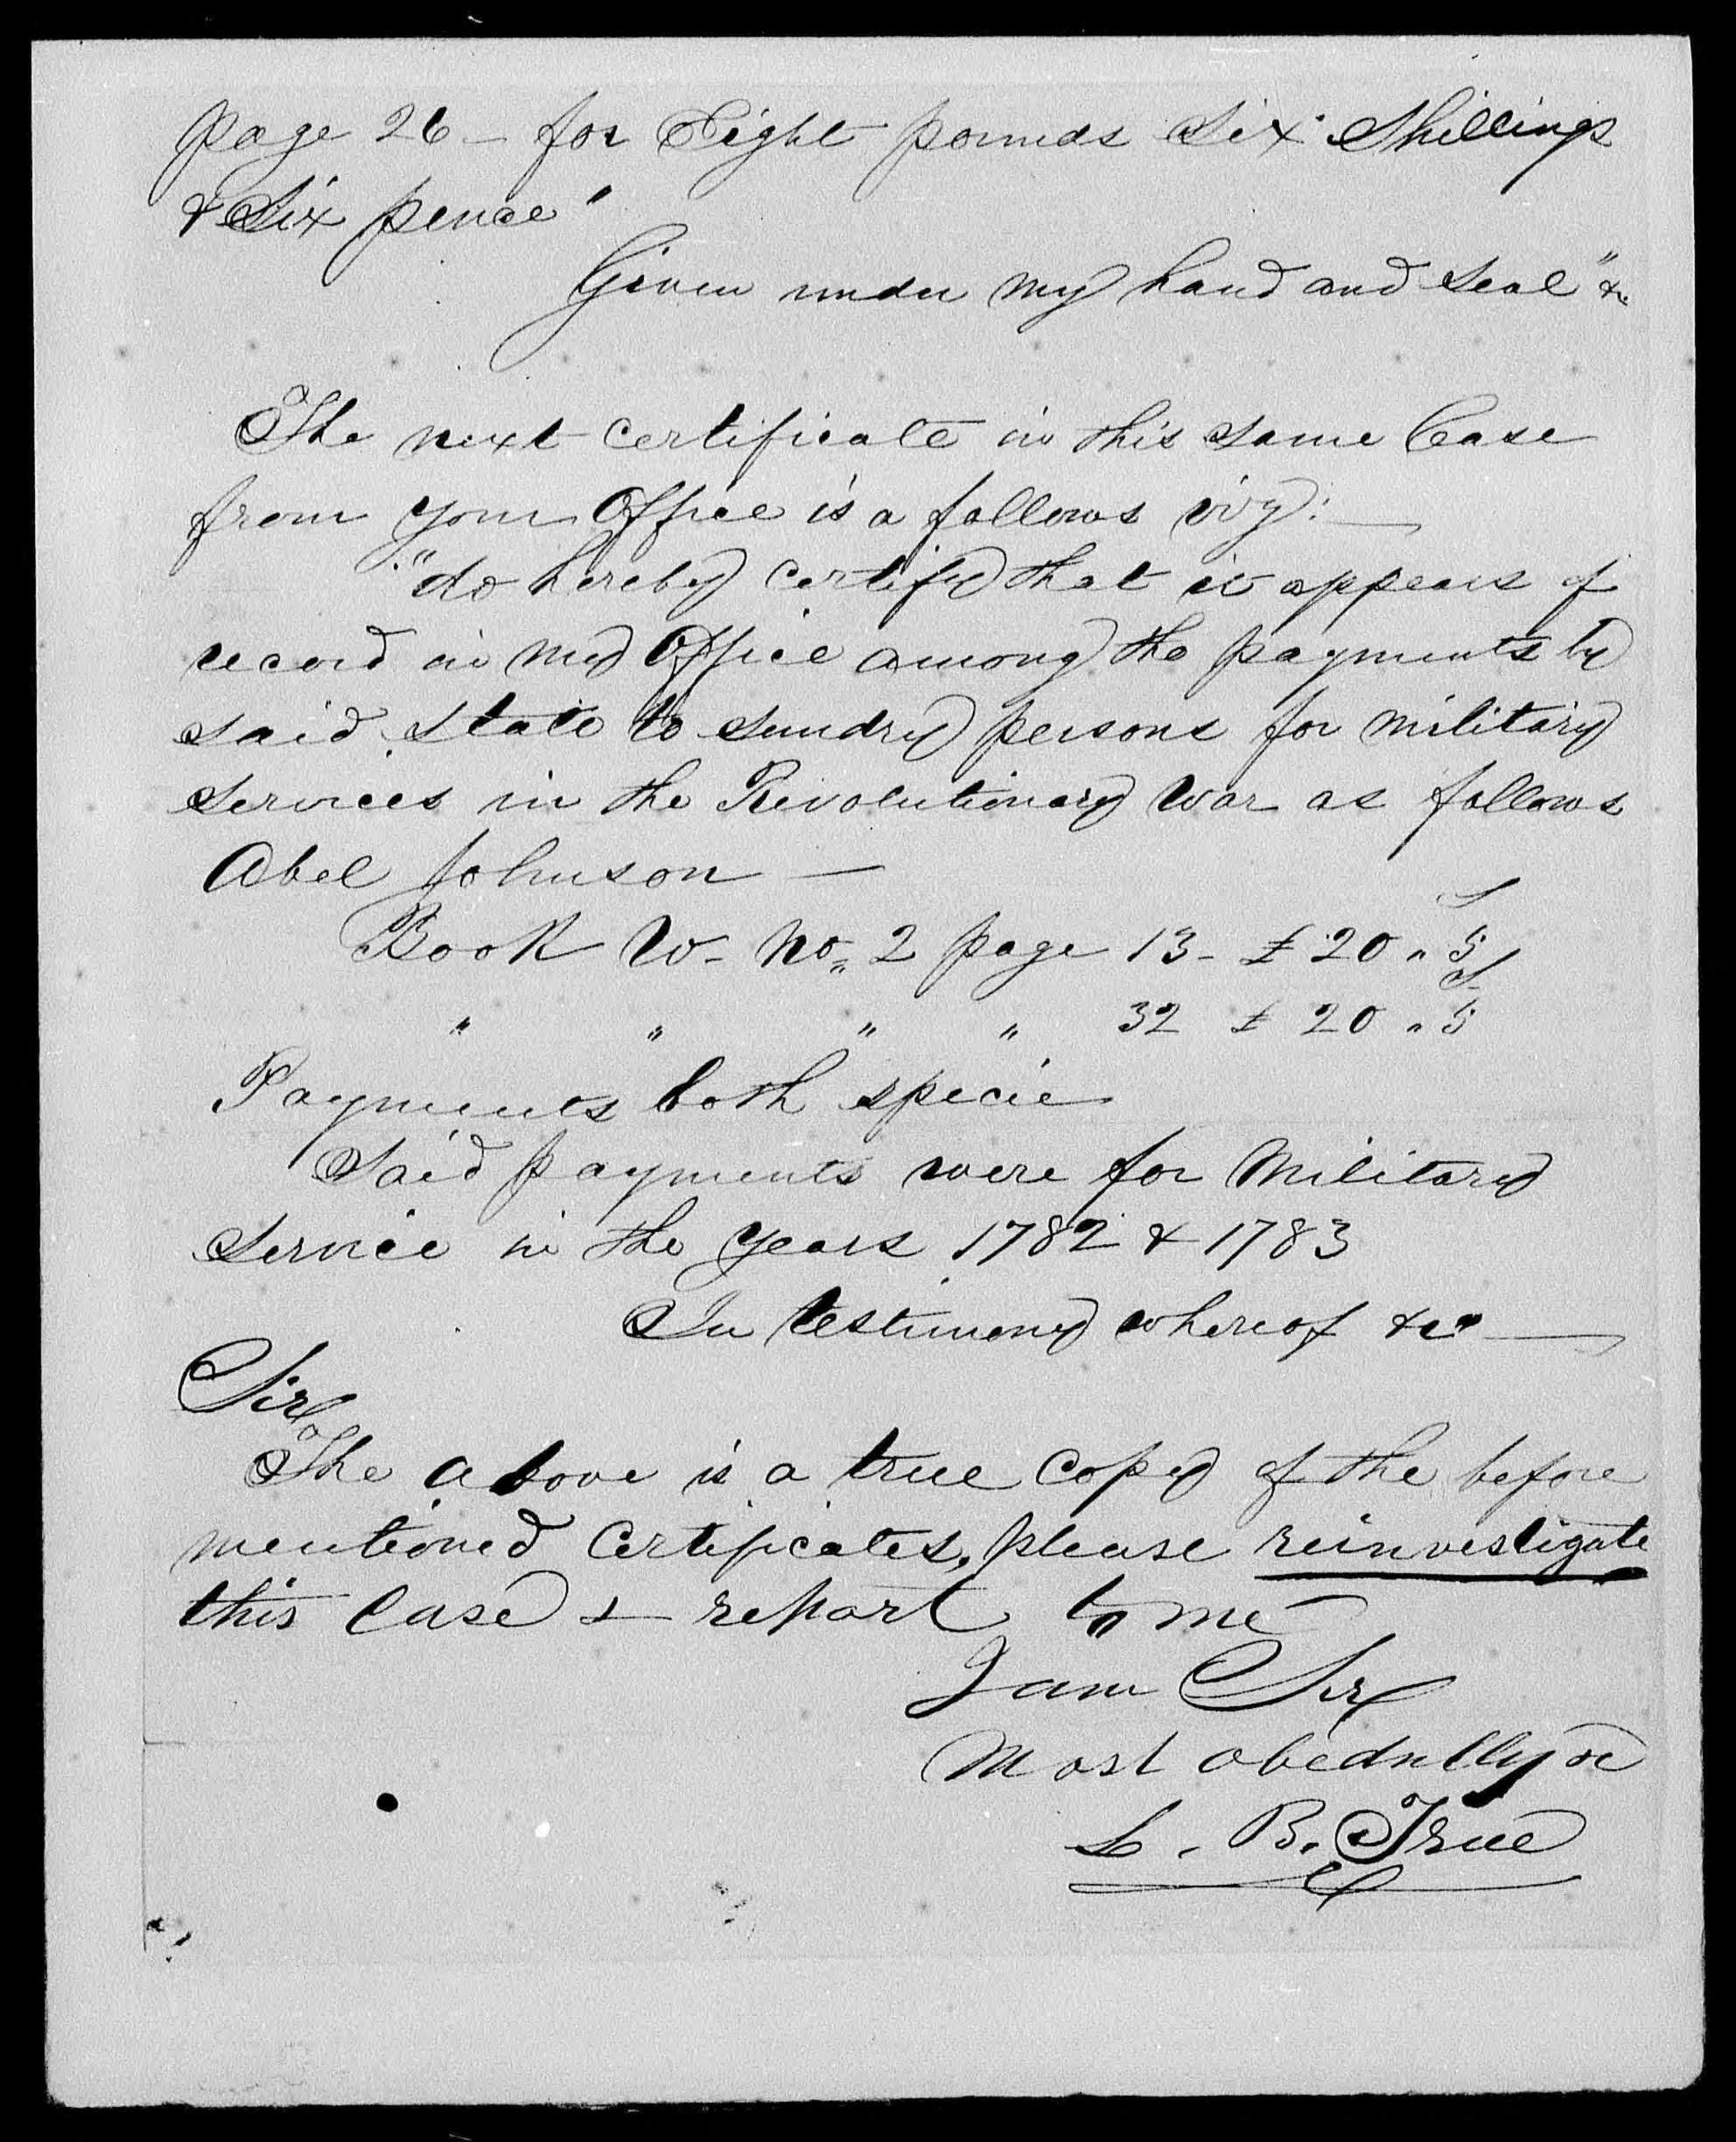Page 26 for eight Pounds, six Shillings, and six Pence. 
Given under my hand and seal.
The next certificate in this same case from your office is as follows:
“do hereby certified it appears of record in my office among the payments  said state to Sundry persons for military service in the Revolutionary War as follows:
Abel Johnson – Book W, No. 2, Page 13	£20.5 
				    Page 32	£20.5
Payments both specie 
Said payments were for military service in the years 1782 and 1783.
In testimony whereof

Sir, 
The above is a true copy of the before mentioned certificates. Please reinvestigate this case and report to me. 
I am sir most your obedient servant,
I. B. True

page: 32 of 74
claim: rejected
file: R. 5600, for Abel Johnson, North Carolina